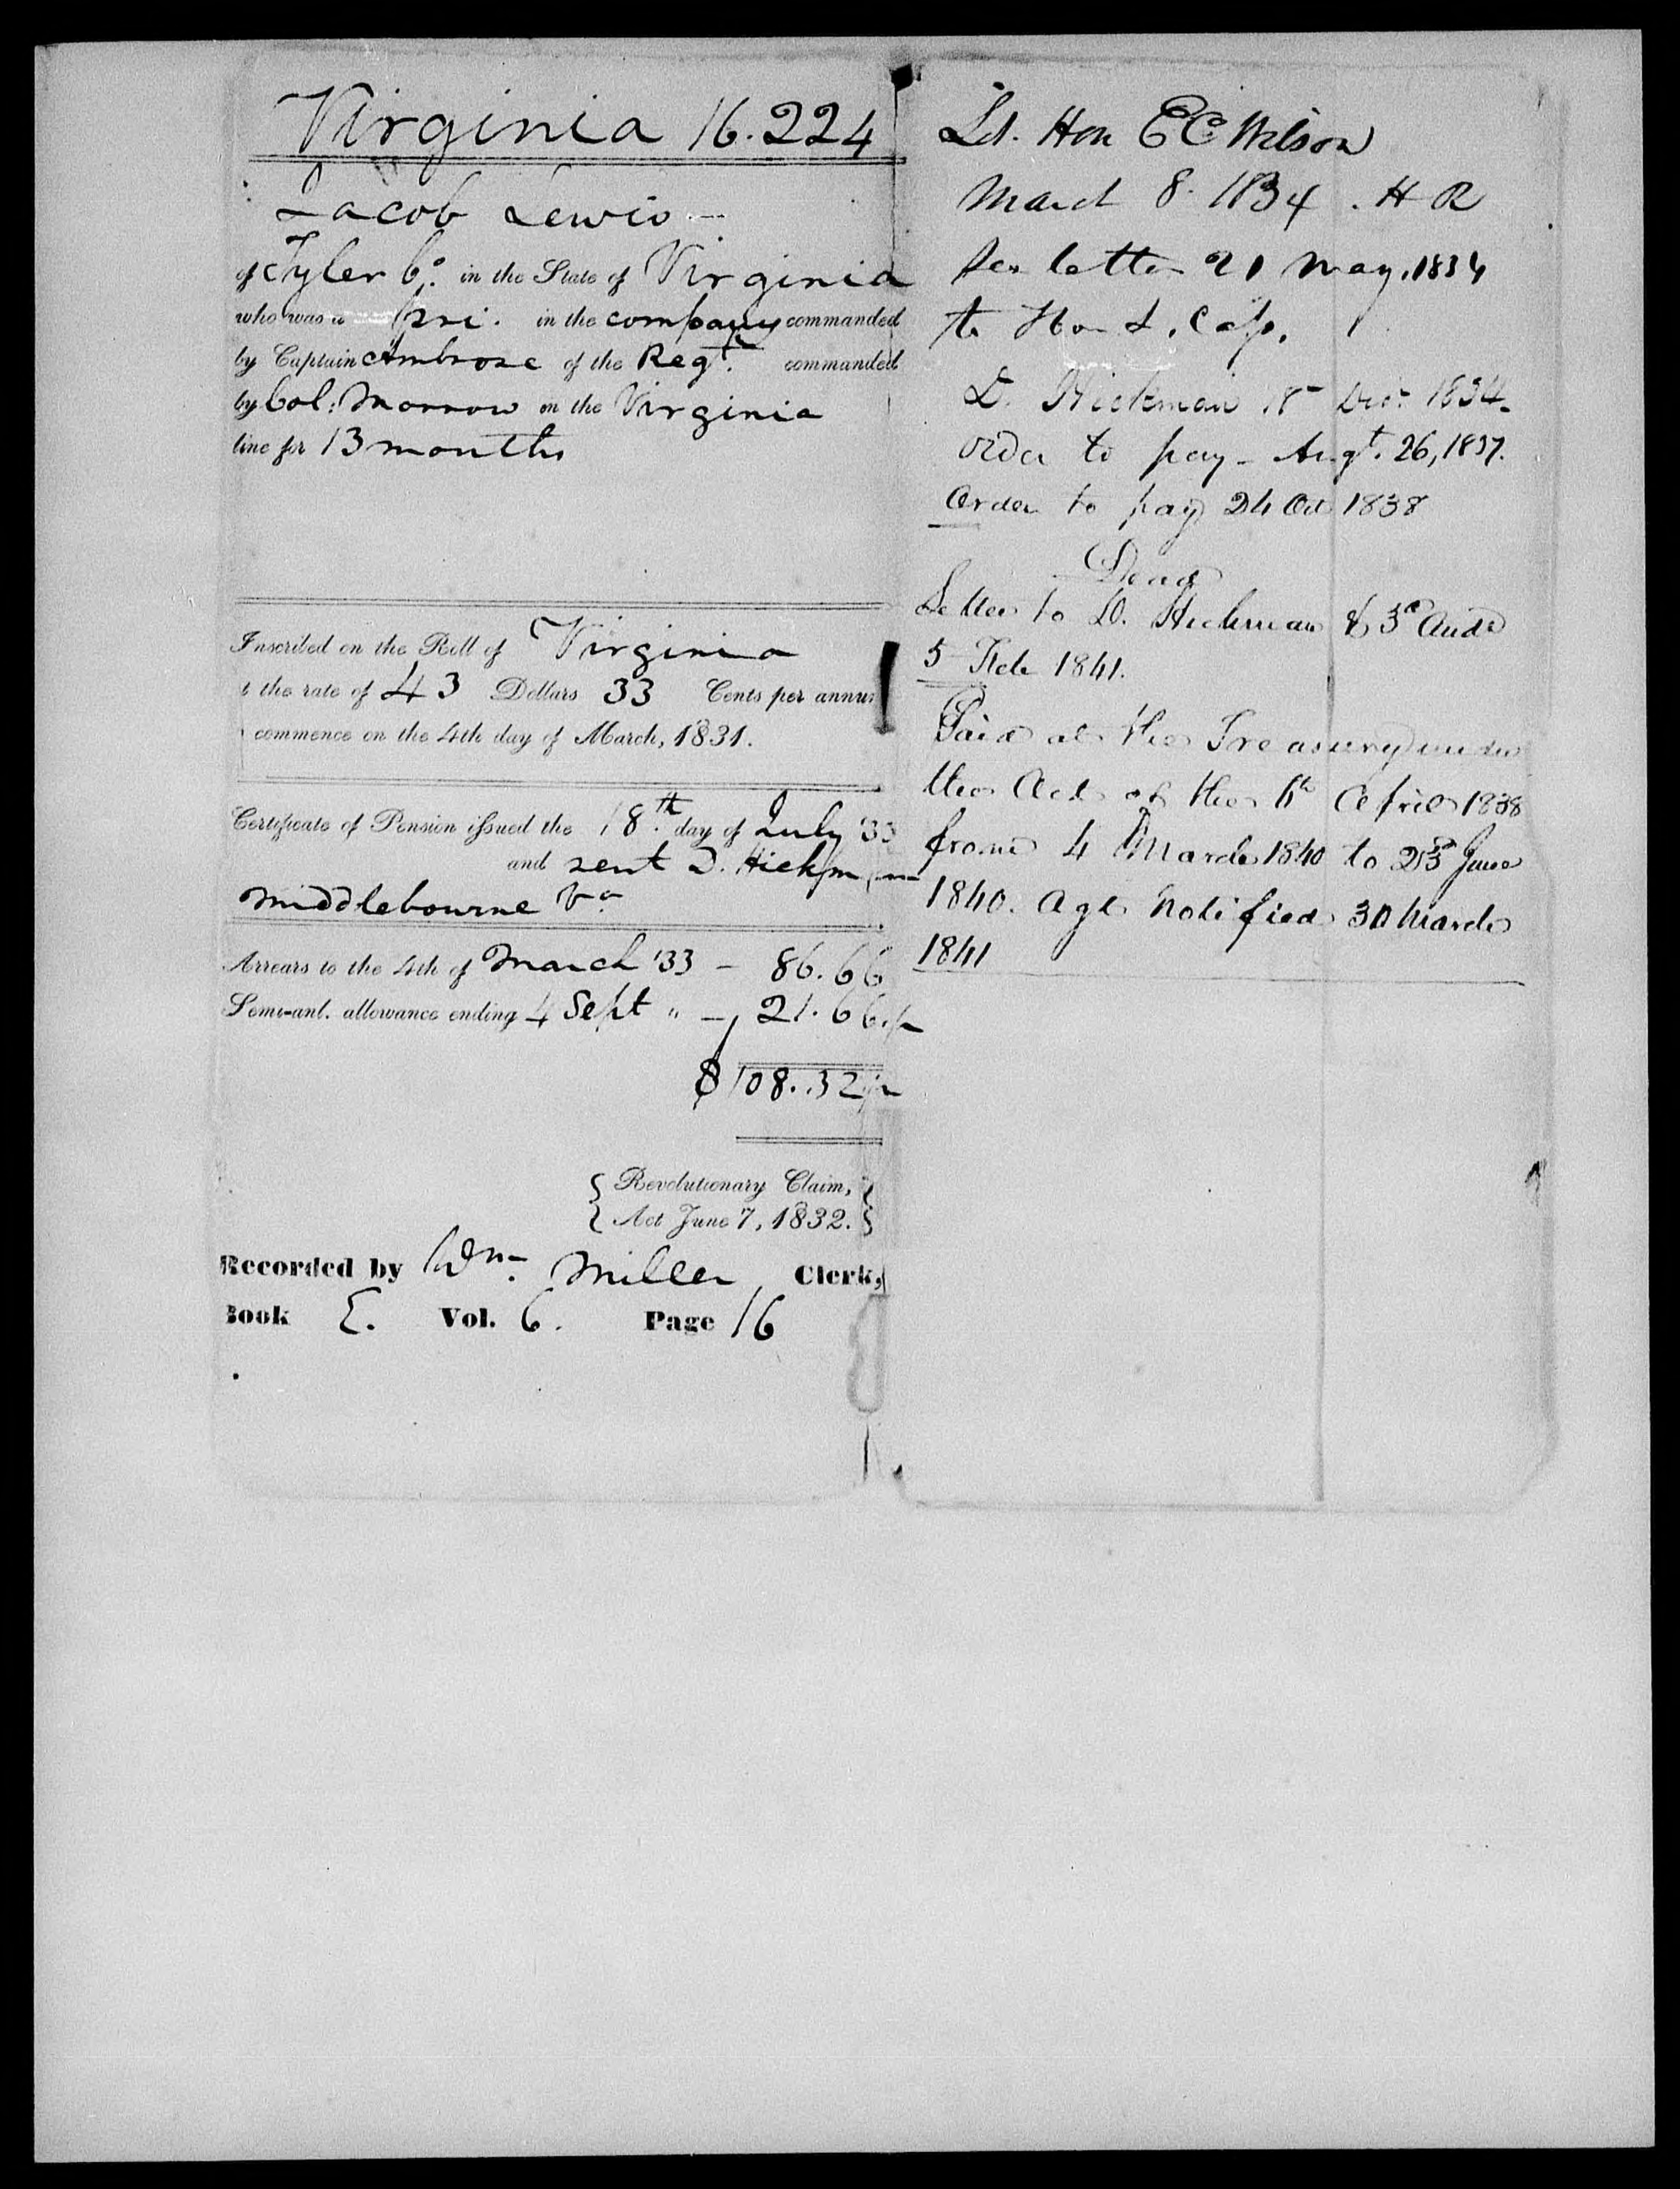(left side)
Virginia 16224
Jacob Lewis of Tyler Co in the State of Virginia who was a pri. in the company commanded by Captain Ambrose of the Regt. commanded by Col. Morrow in the Virginia line for 13 months

Inscribed on the Roll of Virginia at the rate of 43 Dollars 33 Cents per annum to commence on the 4th day of March, 1831.

Certificate of Pension issued the 18th day of July '33 and sent D. Hickman Middlebourn Va.

Arrears to the 4th of March '33 - 86.66
SSemi=anl. allowance ending 4 Sept '33 - 21.66
$108.32

Revolutionary Claim, Act June 7, 1832.

Recorded by Wm. Miller Clerk,
Book E. Vol. 6. Page 16

(right side)
Let. Hon E C Wilson March 8 1834 HR
See letter 21 May 1836 to Hon S. Cass.
D. Hickman 18 Dist 1834. 
order to pay - Augt 26, 1837.
order to pay 24 Oct 1838
Dead
Letter to D. Hickman & 3d Audr 5 Feb 1841.
Paid at the Treasury under the Act of the 6th April 1838 from 4 March 1840 to 23d June 1840. Agt notified 30 March 1841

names: Jacob Lewis; [BLANK] Ambrose; E C Wilson; [BLANK] Morrow; D Hickman; S Cass; Wm Miller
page: 3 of 69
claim: widow's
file: W 8044, for Jacob Lewis, Virginia